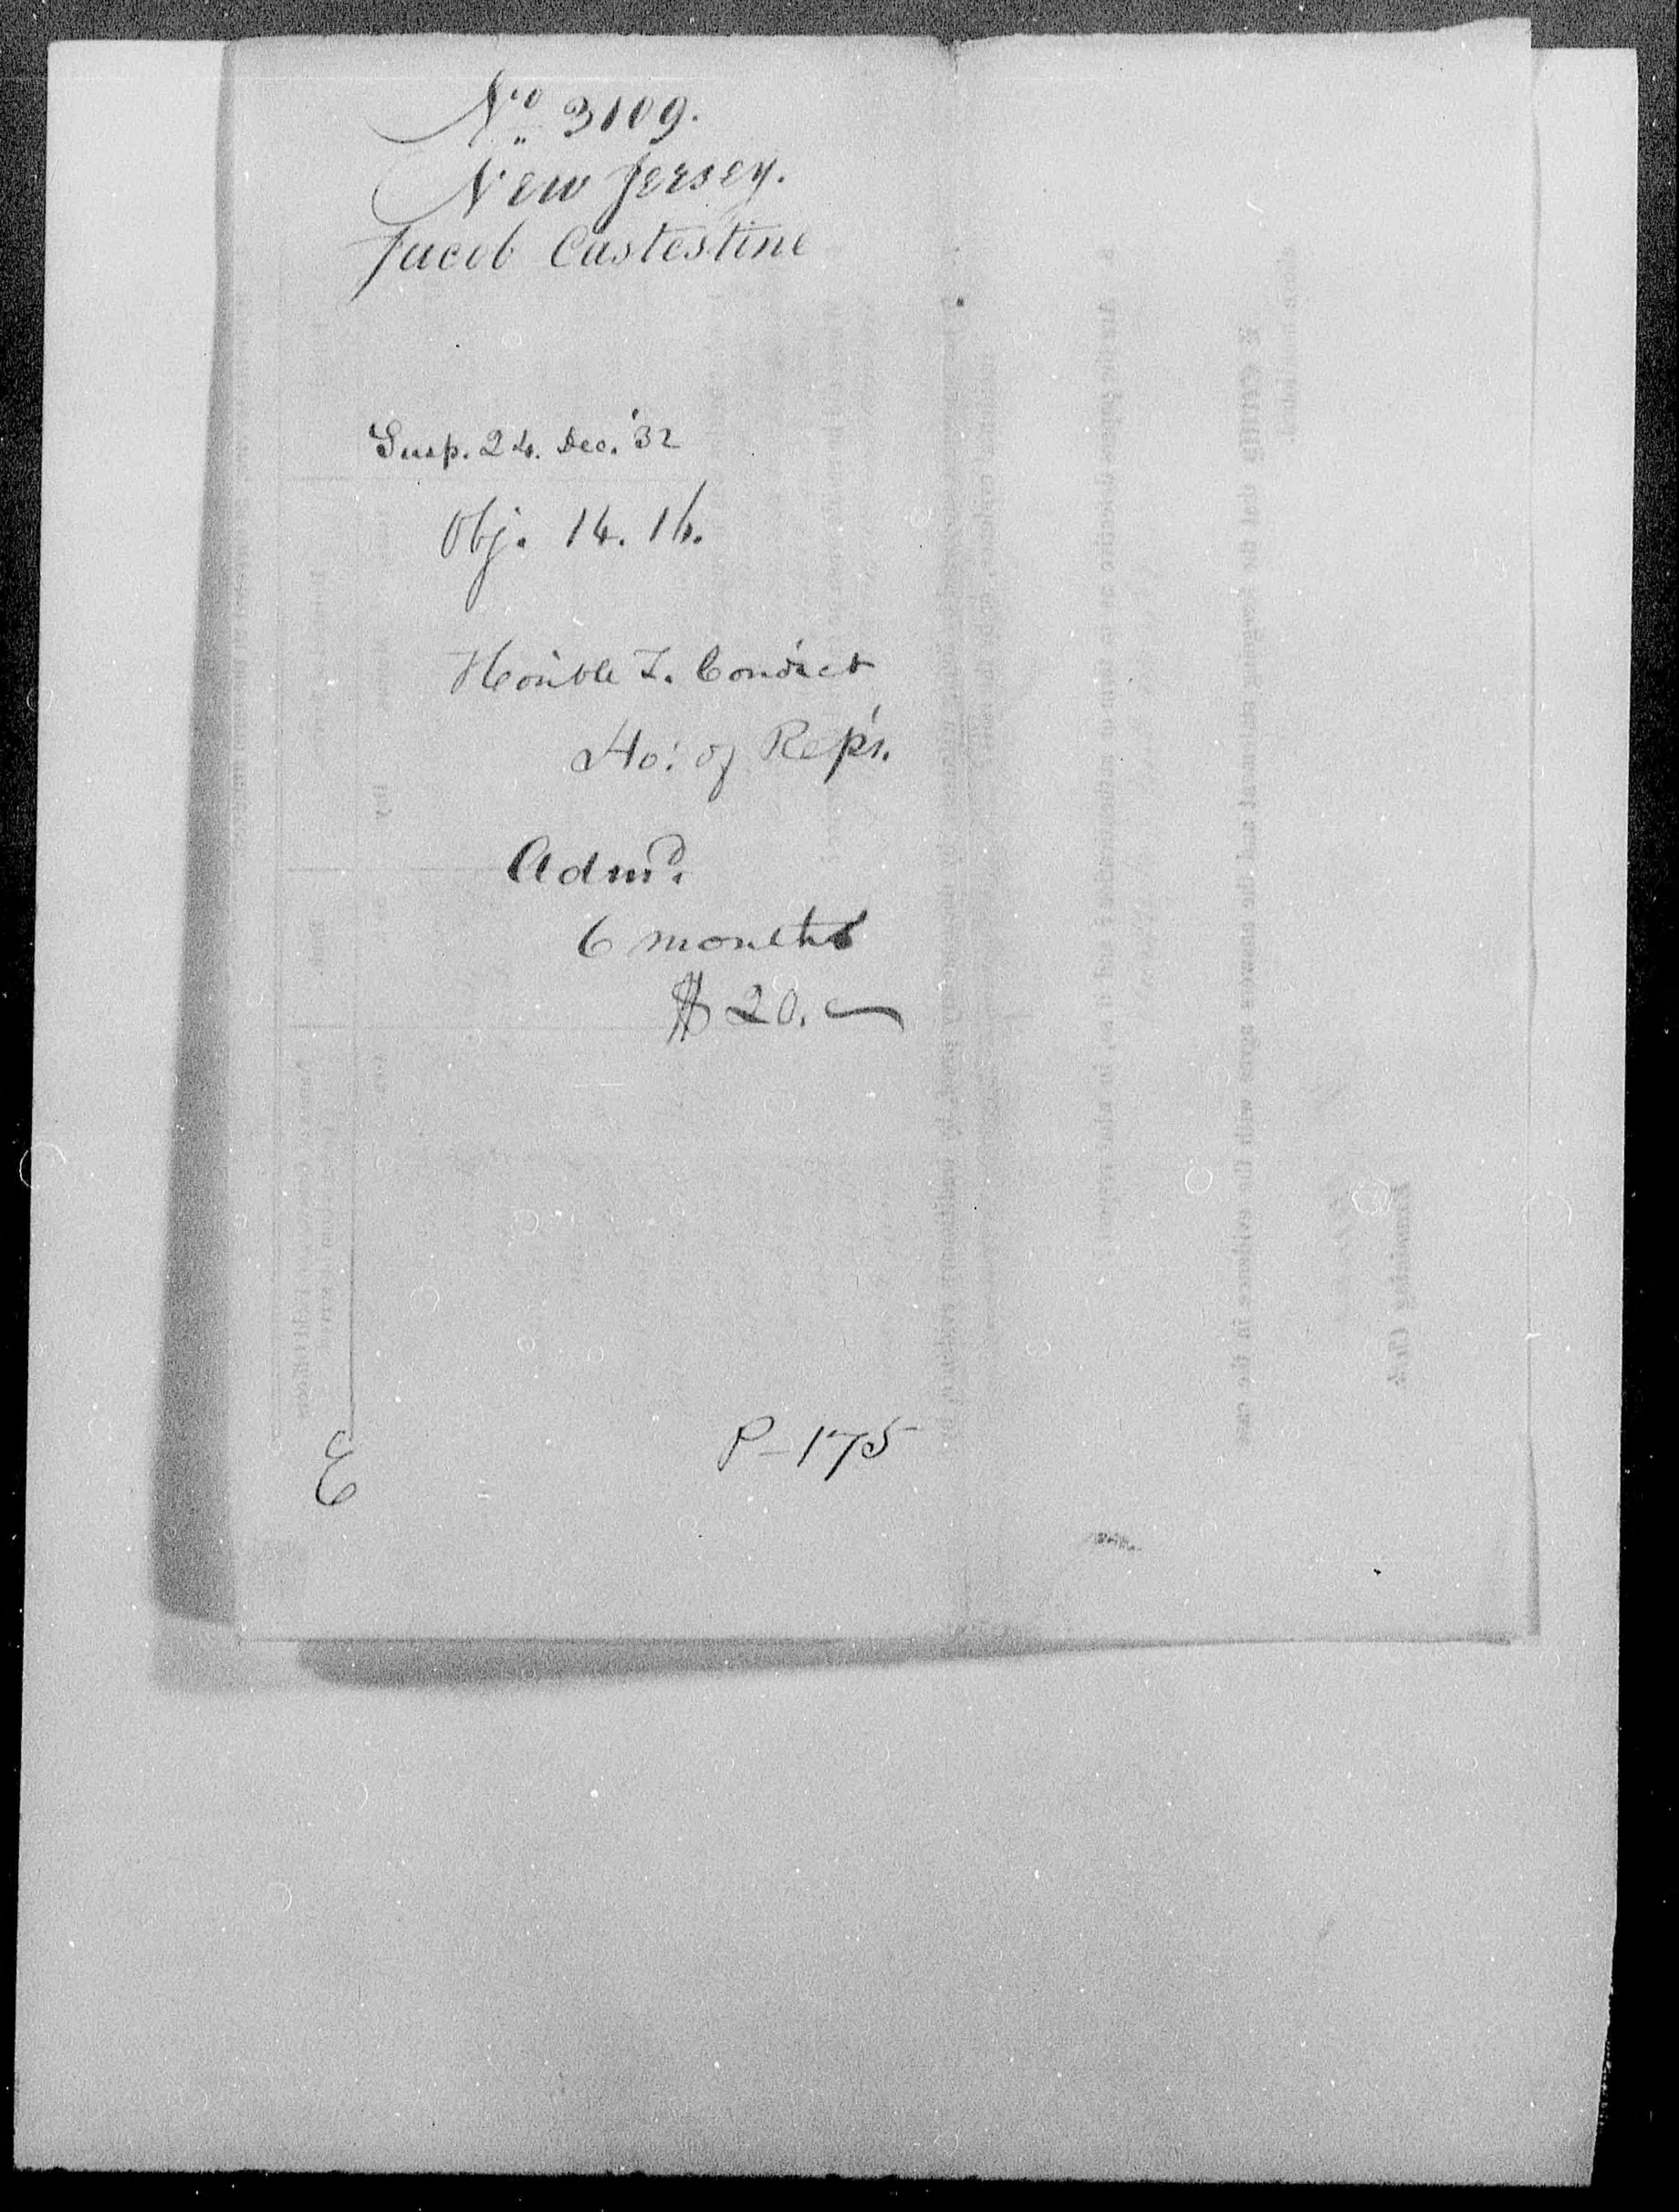No. 3109
New Jersey
Jacob Casterline

Susp. 24 Dec. '32
Obj. 14th

Honble. L. Condict
Ho. of Rep's

Admd
6 months 
$20

P - 175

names: Jacob Casterline, L Condict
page: 7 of 38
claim: widow's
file: W. 6644, Jacob Casterline, New Jersey